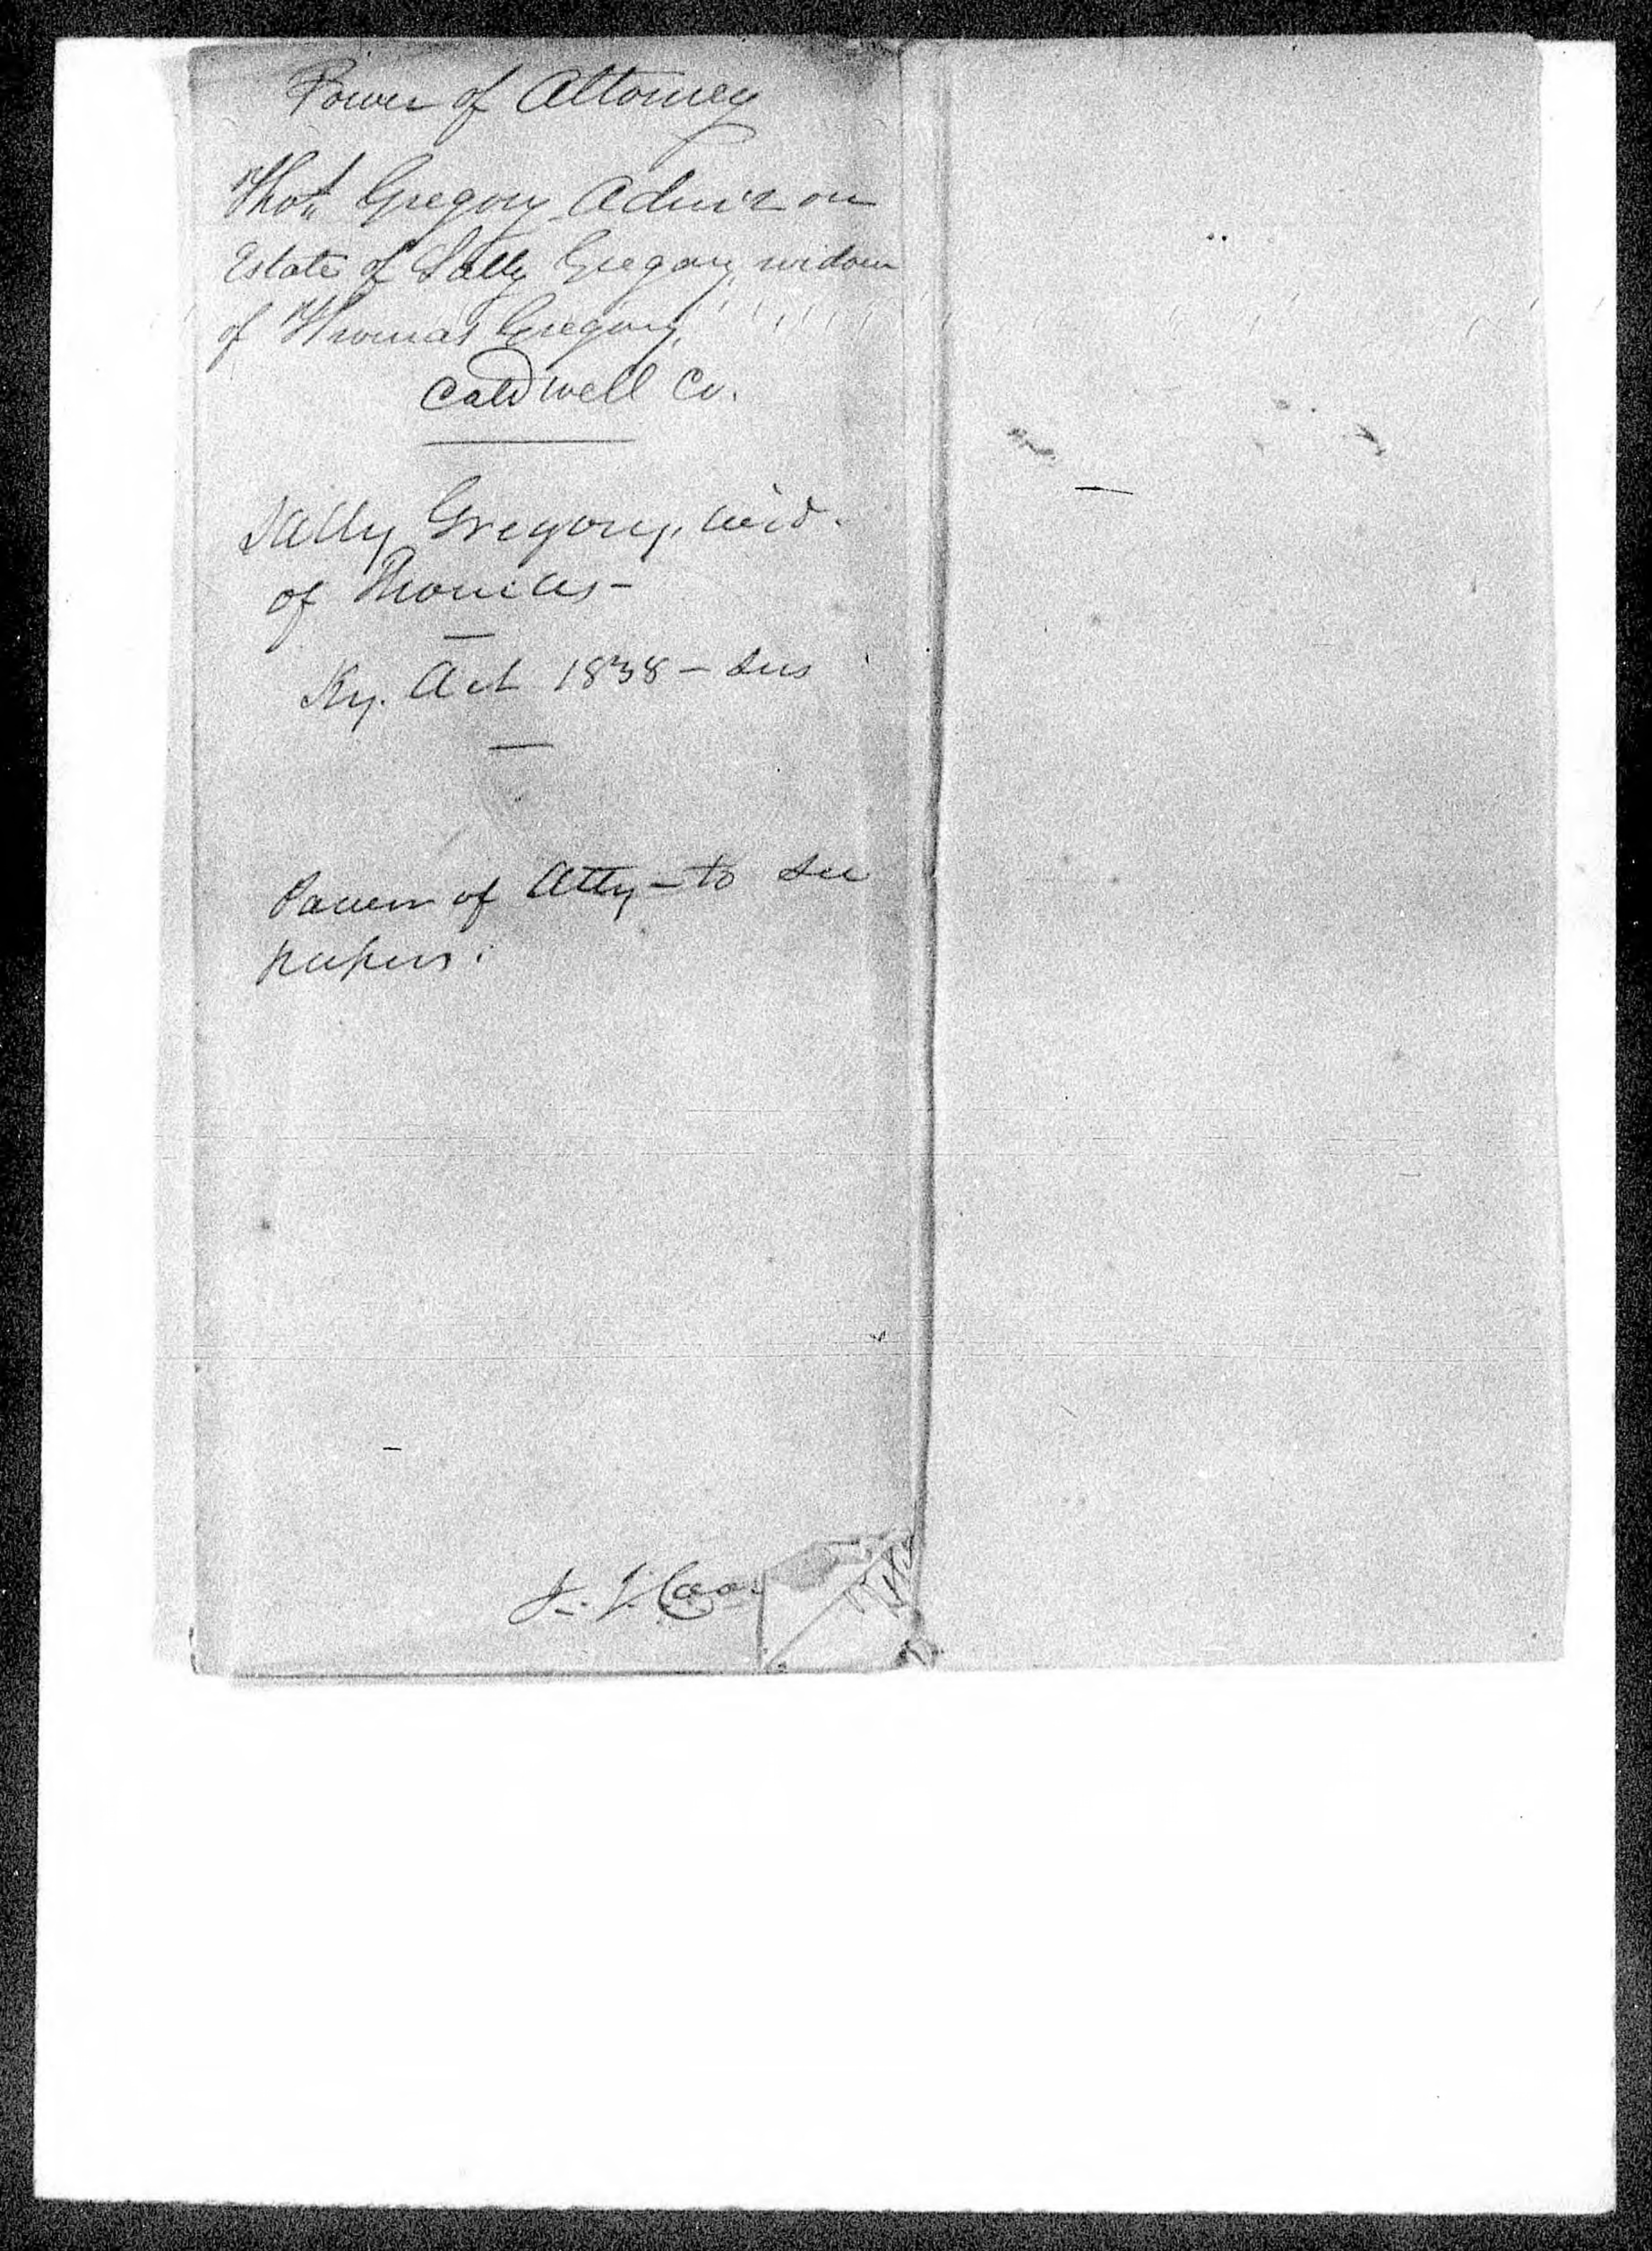Power of Attorney
Tho's Gregory Adm'r on
Estate of Sally Gregory, widow
of Thomas Gregory.
Caldwell Co.

Sally Gregory, wid
of Thomas
Ky Act 1838 Sus

Power of Atty--to see
papers.

J. J Coo[mbs]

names: J J, Thos Gregory, Thomas Gregory, Thomas Gregory, Sally Gregory, Sally Gregory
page: 47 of 75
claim: widow's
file: W. 8876, Thomas Gregory, Continental Va